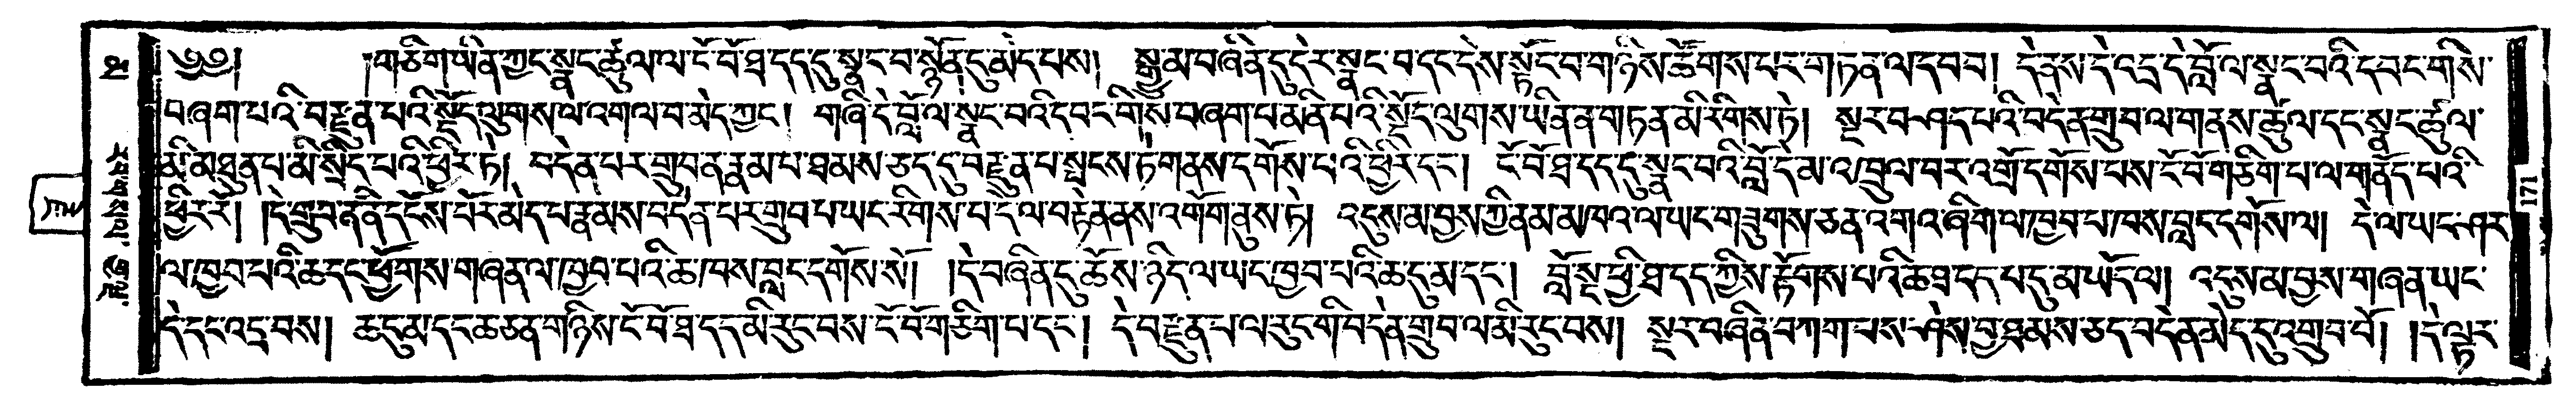༄༅། །གཅིག་ཡིན་ཀྱང་སྣང་ཚུལ་ལ་ངོ་བོ་ཐ་དད་དུ་སྣང་བ་སྙོན་དུ་མེད་པས། སྒྱུ་མ་བཞིན་དུ་དེར་སྣང་བ་དང་དེས་སྟོང་པ་གཉིས་ཚོགས་པར་གཏན་ལ་དབབ། དེ་ནས་དེ་འདྲ་དེ་བློ་ལ་སྣང་བའི་དབང་གིས་
བཞག་པའི་བརྫུན་པའི་སྡོད་ལུགས་ལ་འགལ་བ་མེད་ཀྱང་། གཞི་དེ་བློ་ལ་སྣང་བའི་དབང་གིས་བཞག་པ་མིན་པའི་སྡོད་ལུགས་ཡིན་ན་གཏན་མི་རིགས་ཏེ། སྔར་བཤད་པའི་བདེན་གྲུབ་ལ་གནས་ཚུལ་དང་སྣང་ཚུལ་
མི་མཐུན་པ་མི་སྲིད་པའི་ཕྱིར་ཏེ། བདེན་པར་གྲུབ་ན་རྣམ་པ་ཐམས་ཅད་དུ་བརྫུན་པ་སྤངས་ཏེ་གནས་དགོས་པའི་ཕྱིར་དང་། ངོ་བོ་ཐ་དད་དུ་སྣང་བའི་བློ་དེ་མ་འཁྲུལ་བར་འགྲོ་དགོས་པས་ངོ་བོ་གཅིག་པ་ལ་གནོད་པའི་
ཕྱིར་རོ། །དེ་གྲུབ་ན་ནི་དངོས་པོར་མེད་པ་རྣམས་བདེན་པར་གྲུབ་པ་ཡང་རིགས་པ་དེ་ལ་བརྟེན་ནས་འགོག་ནུས་ཏེ། འདུས་མ་བྱས་ཀྱི་ནམ་མཁའ་ལ་ཡང་གཟུགས་ཅན་འགའ་ཞིག་ལ་ཁྱབ་པ་ཁས་བླང་དགོས་ལ། དེ་ལ་ཡང་ཤར་
ལ་ཁྱབ་པའི་ཆ་དང་ཕྱོགས་གཞན་ལ་ཁྱབ་པའི་ཆ་ཁས་བླང་དགོས་སོ། །དེ་བཞིན་དུ་ཆོས་ཉིད་ལ་ཡང་ཁྱབ་པའི་ཆ་དུ་མ་དང་། བློ་སྔ་ཕྱི་ཐ་དད་ཀྱིས་རྟོགས་པའི་ཆ་ཐ་དད་པ་དུ་མ་ཡོད་ལ། འདུས་མ་བྱས་གཞན་ཡང་
དེ་དང་འདྲ་བས། ཆ་དུ་མ་དང་ཆ་ཅན་གཉིས་ངོ་བོ་ཐ་དད་མི་རུང་བས་ངོ་བོ་གཅིག་པ་དང་། དེ་བརྫུན་པ་ལ་རུང་གི་བདེན་གྲུབ་ལ་མི་རུང་བས། སྔར་བཞིན་བཀག་པས་ཤེས་བྱ་ཐམས་ཅད་བདེན་མེད་དུ་འགྲུབ་བོ། །དེ་ལྟར་